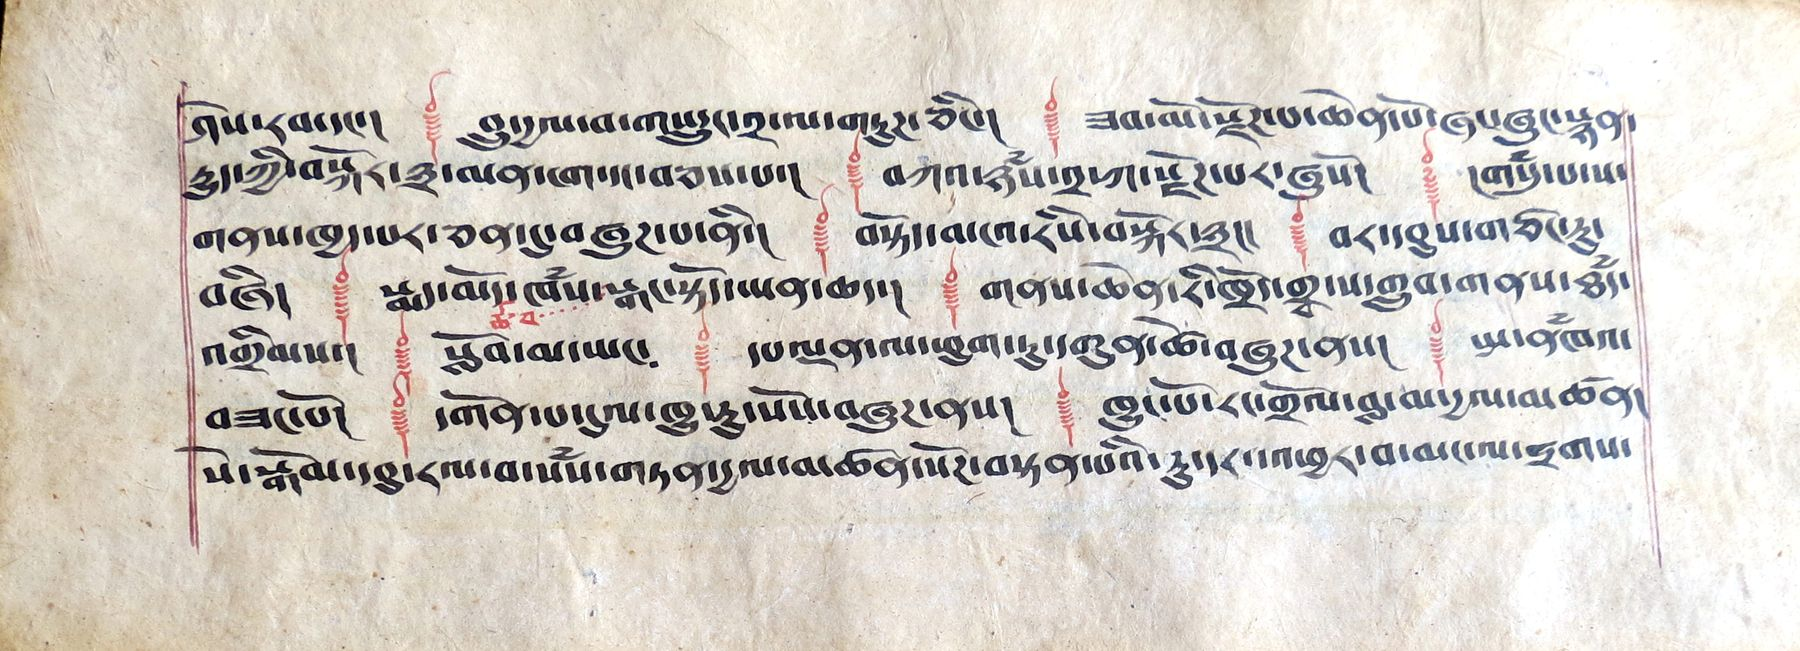ཤེས་རབ་དང་བྲུ་རྒྱལ་བ་གཡུང་དྲུང་གཉིས་ལ་བཏུགས་ཤིང་། ཟབ་མོ་རྫོགས་པ་ཆེན་པོ་ཞང་ཞུང་སྙན་
རྒྱུད་ཀྱི་བསྐོར་གསུམ་མན་ངག་དང་བཅས་པ། བཀའ་ཉམས་གཉིས་ཀ་རྫོགས་པར་ཞུས་སོ། ། གསུམ་པ་ས་
གནས་ཁྱད་པར་ཅན་གང་དུ་བཞུགས་པ་ནི། སྟོད་མངའ་རིས་སྐོར་གསུམ། བར་དབུས་གཙང་རུ་
བཞི། སྨད་མདོ་ཁམས་ཚ་བ་སྒང་ཡན་ཆད། གནས་ཆེན་རི་ཁྲོད་གྲྭ་ས་གྲུབ་གནས་ཐམས་ཅད་
འགྲིམས། སློབ་མ་ཡང་དཔལ་ལྡན་ལ་ཕུག་ཏུ་དགུན་ཚེ་བཞུགས་ནས། སྤ་ནམ་མཁའ་
བཟང་པོ། དགོན་པ་ཏུལ་ཁྱུ་རུ་སོས་ཁ་བཞུགས་ནས། ཁྱུང་པོ་རང་གྲོལ་བླ་མ་རྒྱལ་མཚན། 
སེ་སྒོམ་དབུ་རལ་པ་བསམ་གཏན་རྒྱལ་མཚན་ལས་སོགས་བསྟན་པའི་རུ་དར་ཕྱར་བ་མང་ལ་ཧྲག་